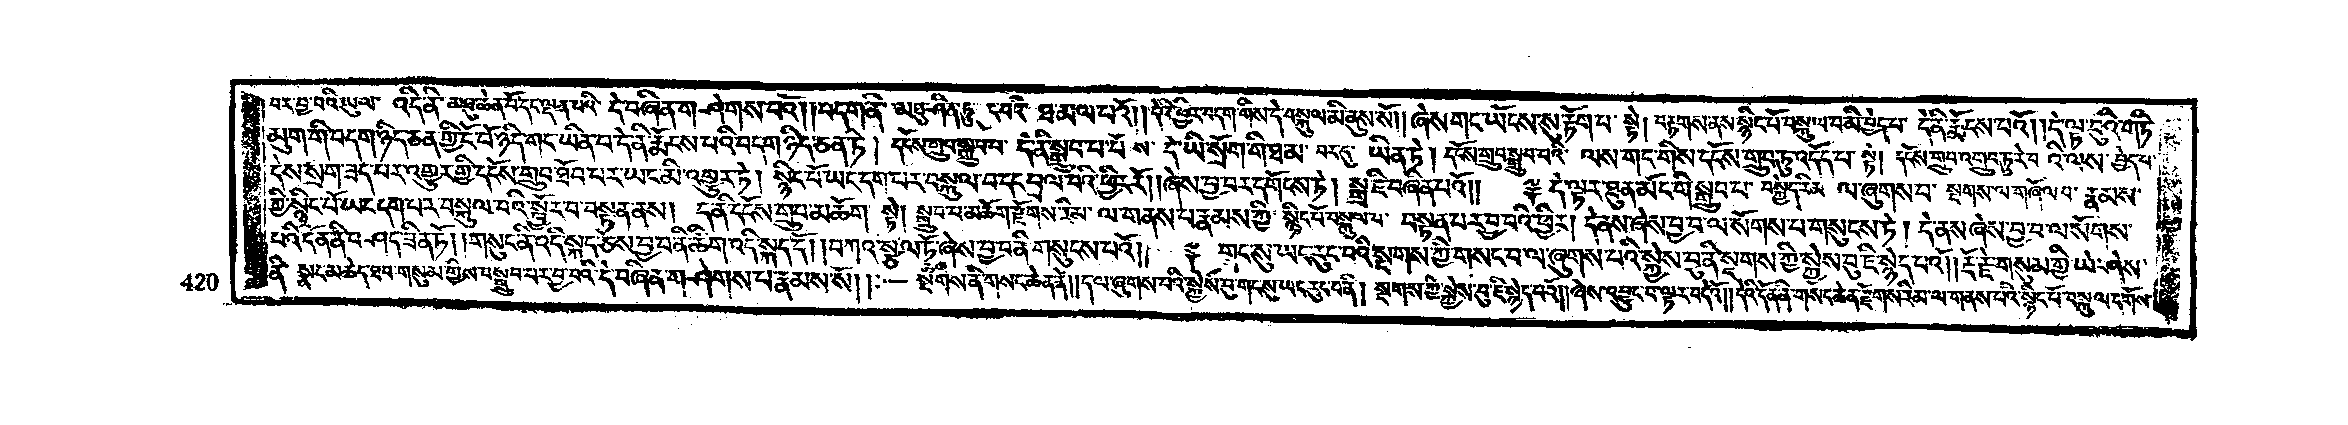བར་བྱ་བའི་ཡུལ་འདི་ནི་མཐུ་ཆེན་པོ་དང་ལྡན་པའི་དེ་བཞིན་གཤེགས་པའོ། །བདག་ནི་མཐུ་ཤིན་ཏུ་ཆུང་བའི་ཐ་མལ་བའོ། ། དེའི་ཕྱིར་བདག་གིས་དེ་བསྐུལ་མི་ནུས་སོ། །ཞེས་གང་ཡོངས་སུ་རྟོག་པ་སྟེ། བརྟགས་ནས་སྙིང་པོ་བསྐུལ་བ་མི་བྱེད་པ་དེ་ནི་རྨོངས་པའོ། །དེ་ལྟ་བུའི་གཏི་
མུག་གི་བདག་ཉིད་ཅན་གྱི་ངོ་བོ་ཉིད་གང་ཡིན་པ་དེ་ནི་རྨོངས་པའི་བདག་ཉིད་ཅན་ཏེ། དངོས་གྲུབ་སྒྲུབ་པ་དེ་ནི་སྒྲུབ་པ་པོས་དེ་ཡི་སྲོག་གི་ཐ་མ་བར་དུ་ཡིན་ཏེ། དངོས་གྲུབ་སྒྲུབ་པའི་ལས་གང་གིས་དངོས་གྲུབ་ཏུ་འདོད་པ་སྟེ། དངོས་གྲུབ་འགྲུབ་ཏུ་རེ་བའི་ལས་བྱེད་པ
དེས་སྲོག་ཟད་པར་འགྱུར་གྱི་དངོས་གྲུབ་ཐོབ་པར་ཡང་མི་འགྱུར་ཏེ། སྙིང་པོ་ཡང་དག་པར་བསྐུལ་བ་དང་བྲལ་བའི་ཕྱིར་རོ། །ཞེས་བྱ་བར་དགོངས་ཏེ། སྒྲ་ཇི་བཞིན་པའོ།། ༈ དེ་ལྟར་ཐུན་མོང་གི་སྒྲུབ་པ་བསྐྱེད་རིམ་ལ་ཞུགས་པ་སྔགས་ལ་གཞོལ་བ་རྣམས་
ཀྱི་སྙིང་པོ་ཡང་དག་པར་བསྐུལ་བའི་སྦྱོར་བ་བསྟན་ནས། དེ་ནི་དངོས་གྲུབ་མཆོག་སྟེ། སྒྲུབ་པ་མཆོག་རྫོགས་རིམ་ལ་གནས་པ་རྣམས་ཀྱི་སྙིང་པོ་བསྐུལ་བ་བསྟན་པར་བྱ་བའི་ཕྱིར། དེ་ནས་ཞེས་བྱ་བ་ལ་སོགས་པ་གསུངས་ཏེ། དེ་ནས་ཞེས་བྱ་བ་ལ་སོགས་
པའི་དོན་ནི་བཤད་ཟིན་ཏོ། །གསུང་ནི་འདི་སྐད་ཅེས་བྱ་བ་ནི་ཚིག་འདི་སྐད་དོ། །བཀའ་སྩལ་ཏོ་ཞེས་བྱ་བ་ནི་གསུངས་པའོ།། ༈ གང་སུ་ཡང་རུང་བའི་སྔགས་ཀྱི་གསང་བ་ལ་ཞུགས་པའི་སྐྱེས་བུ་ནི་སྔགས་ཀྱི་སྐྱེས་བུ་ཇི་སྙེད་པའོ། །རྡོ་རྗེ་གསུམ་གྱི་ཡེ་ཤེས་
ནི་སྣང་མཆེད་ཐོབ་གསུམ་གྱིས་བསྒྲུབ་པར་བྱ་བའི་དེ་བཞིན་གཤེགས་པ་རྣམས་སོ།། .H ཆག་སྔགས་ནི་གསང་ཆེན་ནི། །དེ་ལ་ཞུགས་པའི་སྐྱེས་བུ་གང་སུ་ཡང་རུང་བ་ནི། སྔགས་ཀྱི་སྐྱེས་བུ་ཇི་སྙེད་པའོ། །ཞེས་འབྱུང་བ་ལྟར་བདེའོ། །དེའི་དོན་ནི་གསང་ཆེན་རྫོགས་རིམ་ལ་གནས་པའི་སྙིང་པོ་བསྐུལ་དགོས་